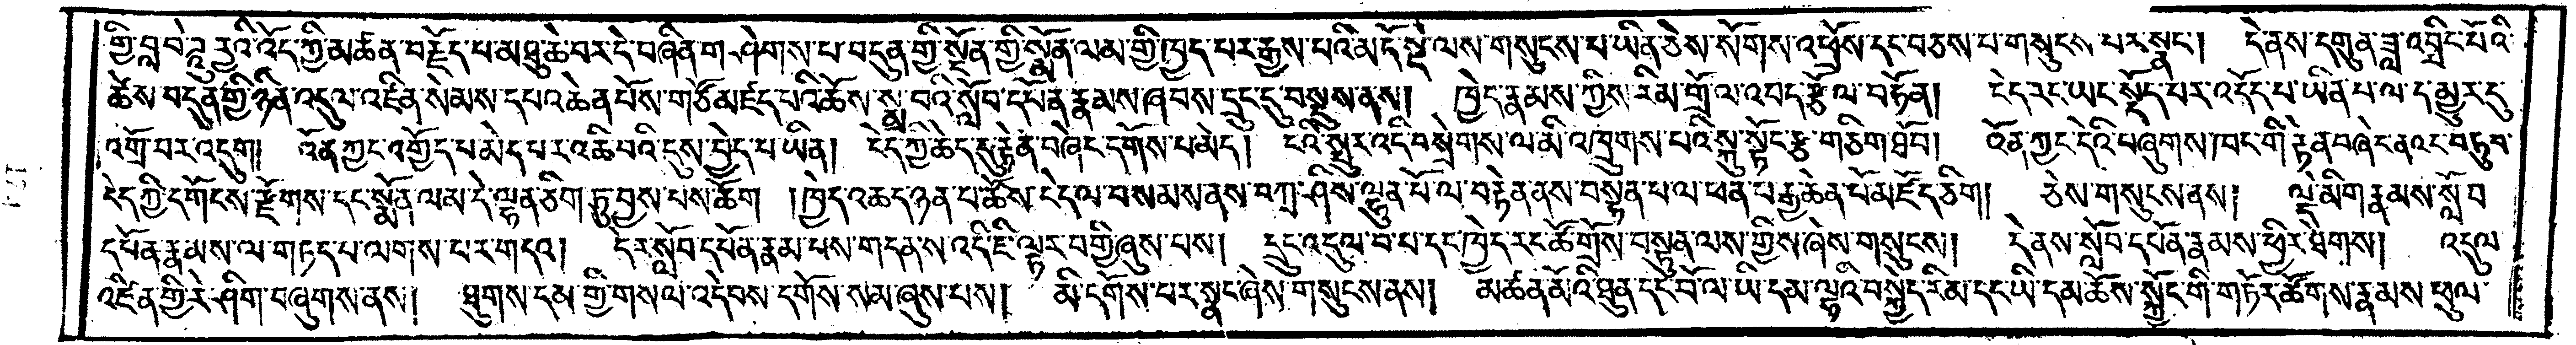གྱི་བླ་བེ་ཌཱུ་རྱའི་འོད་ཀྱི་མཚན་བརྗོད་པ་མཐུ་ཆེ་བར་དེ་བཞིན་གཤེགས་པ་བདུན་གྱི་སྔོན་གྱི་སྨོན་ལམ་གྱི་ཁྱད་པར་རྒྱས་པའི་མདོ་སྡེ་ལས་གསུངས་པ་ཡིན་ཅེས་སོགས་འཕྲོས་དང་བཅས་པ་གསུངས་པར་སྣང་། དེ་ནས་དགུན་ཟླ་འབྲིང་པོའི་
ཚེས་བདུན་གྱི་ཉིན་འདུལ་འཛིན་སེམས་དཔའ་ཆེན་པོས་གཙོ་མཛད་པའི་ཆོས་སྨྲ་བའི་སློབ་དཔོན་རྣམས་ཞབས་དྲུང་དུ་བསྡུས་ནས། ཁྱེད་རྣམས་ཀྱིས་རིམ་གྲོལ་འབད་རྩོལ་བཏོན། ངེད་རང་ཡང་སྔོད་པར་འདོད་པ་ཡིན་པ་ལ་ད་མྱུར་དུ་
འགྲོ་བར་འདུག། འོན་ཀྱང་འགྱོད་པ་མེད་པར་འཆི་བའི་དུས་བྱེད་པ་ཡིན། ངེད་ཀྱི་ཆེད་དུ་རྟེན་བཞེང་དགོས་པ་མེད། ངའི་སྤུར་འདི་བསྲེགས་ལ་མི་འཁྲུགས་པའི་སྐུ་སྟོང་རྩ་གཅིག་ཐོབ། འོན་ཀྱང་དེའི་བཞུགས་ཁང་གི་རྟེན་བཞེང་ནའང་བཏུབ་
ངེད་ཀྱི་དགོངས་རྫོགས་དང་སྨོན་ལམ་དེ་ལྷན་ཅིག་ཏུ་བྱས་པས་ཆོག །ཁྱེད་འཆད་ཉན་པ་ཚོས་ངེད་ལ་བསམས་ནས་བཀྲ་ཤིས་ལྷུན་པོ་ལ་བརྟེན་ནས་བསྟན་པ་ལ་ཕན་པ་རྒྱ་ཆེན་པོ་མཛོད་ཅིག། ཅེས་གསུངས་ནས། ལྡེ་མིག་རྣམས་སློབ་
དཔོན་རྣམས་ལ་གཏད་པ་ལགས་པར་གདའ། དེར་སློབ་དཔོན་རྣམ་པས་གདན་ས་འདི་ཇི་ལྟར་བགྱི་ཞུས་པས། དྲུང་འདུལ་བ་པ་དང་ཁྱེད་རང་ཚོ་གྲོས་བསྟུན་ལས་གྱིས་ཞེས་གསུངས། དེ་ནས་སློབ་དཔོན་རྣམས་ཕྱིར་ཐེགས། འདུལ་
འཛིན་གྱི་རེ་ཤིག་བཞུགས་ནས། ཐུགས་དམ་གྱི་གསལ་འདེབས་དགོས་སམ་ཞུས་པས། མི་དགོས་པར་སྣང་ཞེས་གསུངས་ནས། མཚན་མོའི་ཐུན་དང་བོ་ལ་ཡི་དམ་ལྷའི་བསྐྱེད་རིམ་དང་ཡི་དམ་ཆོས་སྐྱོང་གི་གཏོར་ཚོགས་རྣམས་ཕུལ་